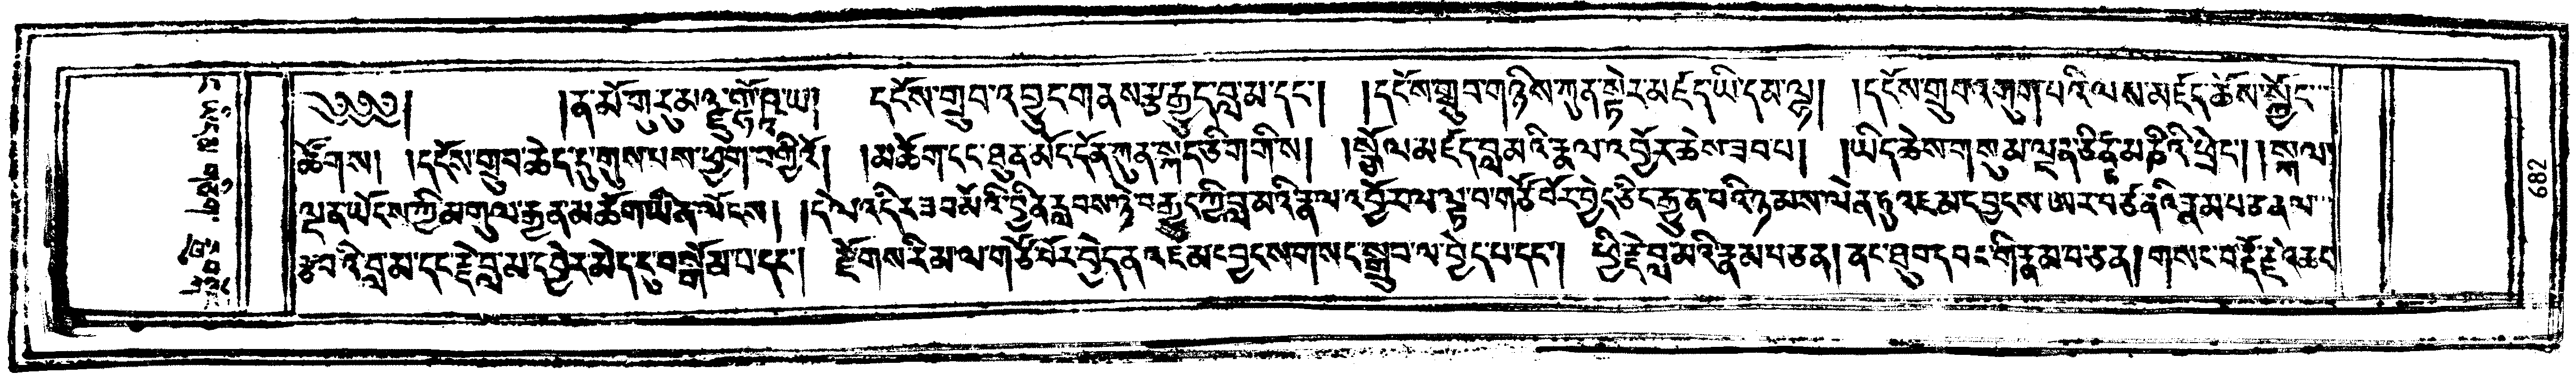༄༅༅། །ན་མོ་གུ་རུ་མཉྫུ་གྷོ་ཥཱ་ཡ། དངོས་གྲུབ་འབྱུང་གནས་རྩ་རྒྱུད་བླ་མ་དང་། །དངོས་གྲུབ་གཉིས་ཀུན་སྟེར་མཛད་ཡི་དམ་ལྷ། །དངོས་གྲུབ་འགུག་པའི་ལས་མཛད་ཆོས་སྐྱོང་
ཚོགས། །དངོས་གྲུབ་ཆེད་དུ་གུས་པས་ཕྱག་བགྱིའོ། །མཆོག་དང་ཐུན་མོང་དོན་ཀུན་སྐད་ཅིག་གིས། །སྩོལ་མཛད་བླ་མའི་རྣལ་འབྱོར་ཆེས་ཟབ་པ། །ཡིད་ཆེས་གསུམ་ལྡན་ཅིནྷ་མཎིའི་ཕྲེང།།སྐལ་
ལྡན་ཡོངས་ཀྱི་མགུལ་རྒྱན་མཆོག་ཡིན་ལོངས། །དེ་ལ་འདིར་ཐབ་མོའི་བྱིན་རླབས་ཉེ་བརྒྱུད་ཀྱི་བླ་མའི་རྣལ་འབྱོར་ལ་ལྟ་བ་གཙོ་བོར་བྱེད་ཅིང་རྒྱུན་པའི་ཉམས་ལེན་ཏུ་འཇམ་དབྱངས་ཨར་བ་ཙནའི་རྣམ་པ་ཅན་ལ་
རྩ་བའི་བླ་མ་དང་རྗེ་བླ་མ་དབྱེར་མེད་དུ་བསྒོམ་པ་དང་། རྫོགས་རིམ་ལ་གཙོ་བོར་བྱེད་ན་འཇམ་དབྱངས་གསང་སྒྲུབ་ལ་བྱེད་པ་དང་། ཕྱི་རྗེ་བླ་མའི་རྣམ་པ་ཅན། ནང་ཐུབ་དབང་གི་རྣམ་པ་ཅན། གསང་བ་རྡོ་རྗེ་འཆང་